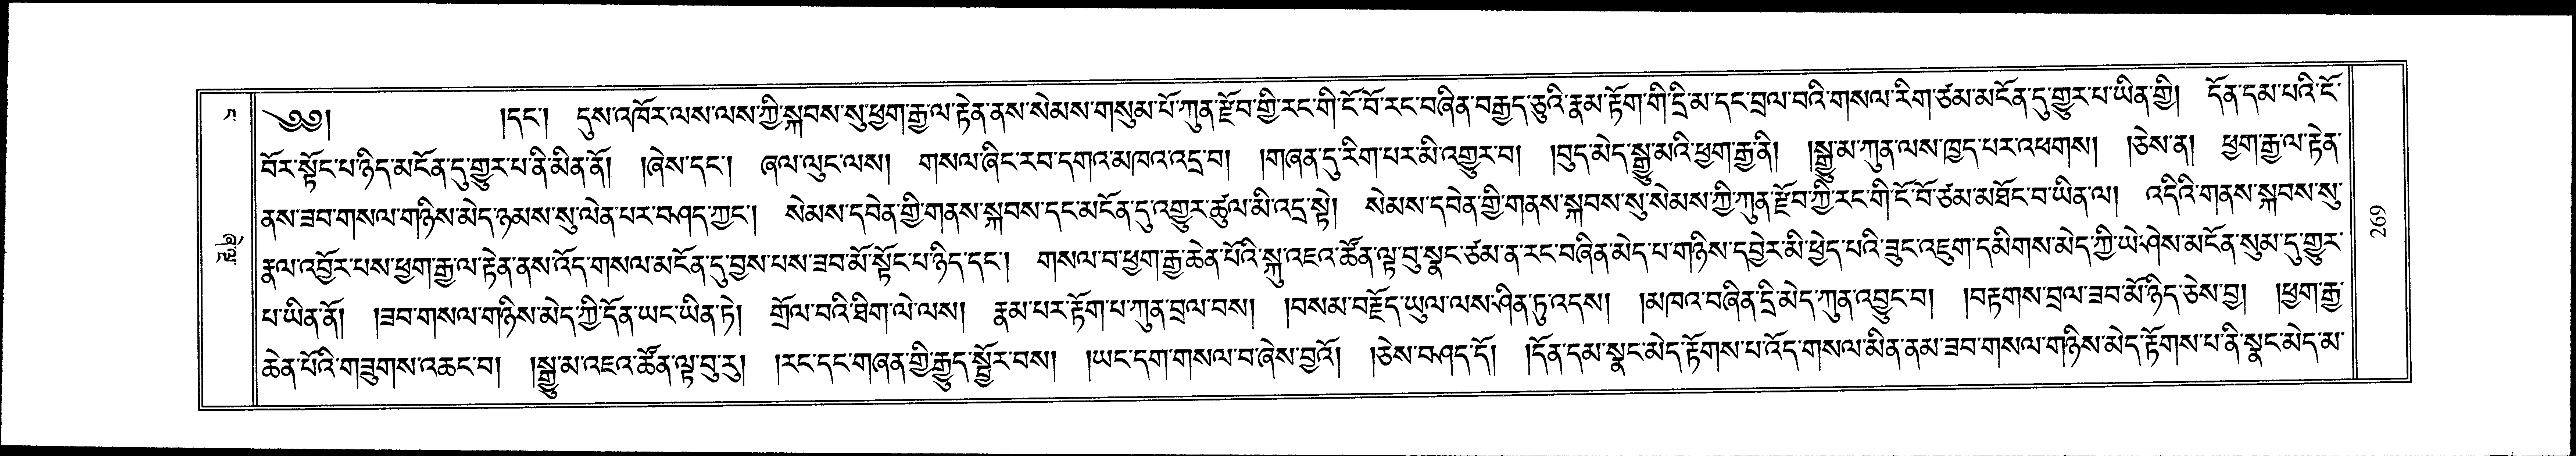༄༅། །དང་། དུས་འཁོར་ལས་ལས་ཀྱི་སྐབས་སུ་ཕྱག་རྒྱ་ལ་རྟེན་ནས་སེམས་གསུམ་པོ་ཀུན་རྫོབ་གྱི་རང་གི་ངོ་བོ་རང་བཞིན་བརྒྱད་ཅུའི་རྣམ་རྟོག་གི་དྲི་མ་དང་བྲལ་བའི་གསལ་རིག་ཙམ་མངོན་དུ་གྱུར་བ་ཡིན་གྱི། དོན་དམ་པའི་ངོ་
བོར་སྟོང་པ་ཉིད་མངོན་དུ་གྱུར་པ་ནི་མིན་ནོ། །ཞེས་དང་། ཞལ་ལུང་ལས། གསལ་ཞིང་རབ་དགའ་མཁའ་འདྲ་བ། །གཞན་དུ་རིག་པར་མི་འགྱུར་བ། །བུད་མེད་སྒྱུ་མའི་ཕྱག་རྒྱ་ནི། །སྒྱུ་མ་ཀུན་ལས་ཁྱད་པར་འཕགས། །ཅེས་ན། ཕྱག་རྒྱ་ལ་རྟེན་
ནས་ཟབ་གསལ་གཉིས་མེད་ཉམས་སུ་ལེན་པར་བཤད་ཀྱང་། སེམས་དབེན་གྱི་གནས་སྐབས་དང་མངོན་དུ་འགྱུར་ཚུལ་མི་འདྲ་སྟེ། སེམས་དབེན་གྱི་གནས་སྐབས་སུ་སེམས་ཀྱི་ཀུན་རྫོབ་ཀྱི་རང་གི་ངོ་བོ་ཙམ་མཐོང་བ་ཡིན་ལ། འདིའི་གནས་སྐབས་སུ་
རྣལ་འབྱོར་པས་ཕྱག་རྒྱ་ལ་རྟེན་ནས་འོད་གསལ་མངོན་དུ་བྱས་པས་ཟབ་མོ་སྟོང་པ་ཉིད་དང་། གསལ་བ་ཕྱག་རྒྱ་ཆེན་པོའི་སྐུ་འཇའ་ཚོན་ལྟ་བུ་སྣང་ཙམ་ན་རང་བཞིན་མེད་པ་གཉིས་དབྱེར་མི་ཕྱེད་པའི་ཟུང་འཇུག་དམིགས་མེད་ཀྱི་ཡེ་ཤེས་མངོན་སུམ་དུ་གྱུར་
པ་ཡིན་ནོ། །ཟབ་གསལ་གཉིས་མེད་ཀྱི་དོན་ཡང་ཡིན་ཏེ། གྲོལ་བའི་ཐིག་ལེ་ལས། རྣམ་པར་རྟོག་པ་ཀུན་བྲལ་བས། །བསམ་བརྗོད་ཡུལ་ལས་ཤིན་ཏུ་འདས། །མཁའ་བཞིན་དྲི་མེད་ཀུན་འབྱུང་བ། །བརྟགས་བྲལ་ཟབ་མོ་ཉིད་ཅེས་བྱ། །ཕྱག་རྒྱ་
ཆེན་པོའི་གཟུགས་འཆང་བ། །སྒྱུ་མ་འཇའ་ཚོན་ལྟ་བུ་རུ། །རང་དང་གཞན་གྱི་རྒྱུད་སྦྱོར་བས། །ཡང་དག་གསལ་བ་ཞེས་བྱའོ། །ཅེས་བཤད་དོ། །དོན་དམ་སྣང་མེད་རྟོགས་པ་འོད་གསལ་མིན་ནམ་ཟབ་གསལ་གཉིས་མེད་རྟོགས་པ་ནི་སྣང་མེད་མ་